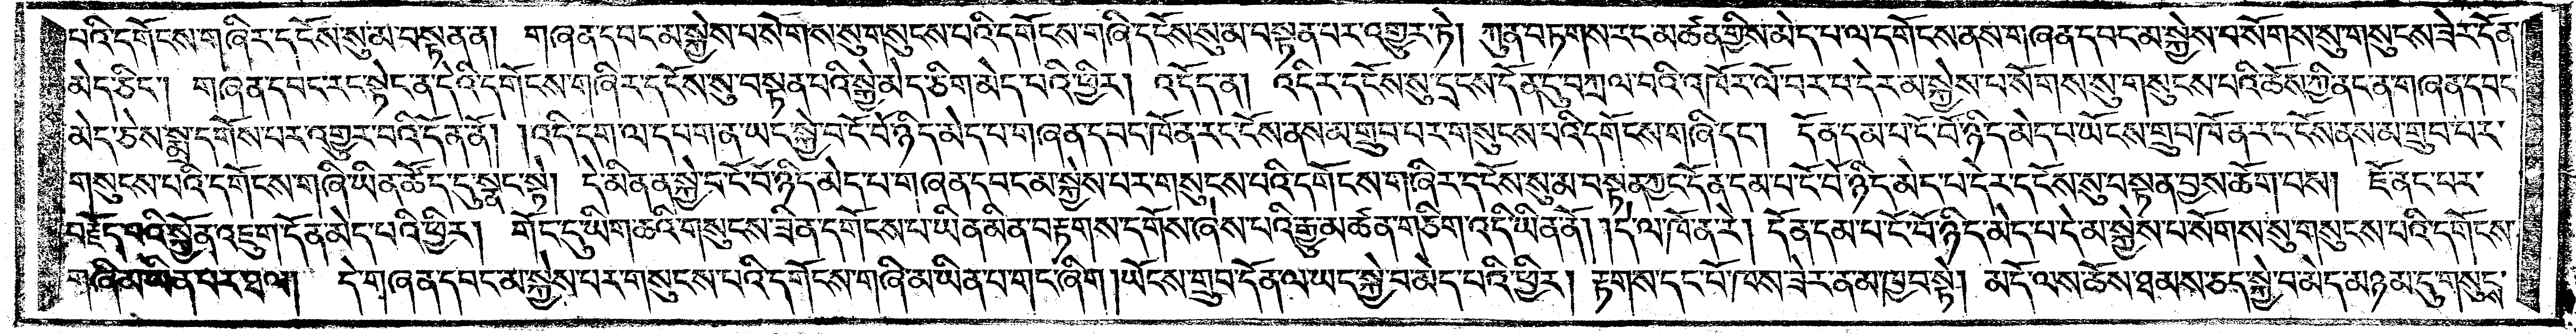པའི་དགོངས་གཞིར་དངོས་སུ་མ་བསྟན་ན། གཞན་དབང་མ་སྐྱེས་པ་སོགས་སུ་གསུངས་པའི་དགོངས་གཞི་དངོས་སུ་མ་བསྟན་པར་འགྱུར་ཏེ། ཀུན་བཏགས་རང་མཚན་གྱིས་མེད་པ་ལ་དགོངས་ནས་གཞན་དབང་མ་སྐྱེས་པ་སོགས་སུ་གསུངས་ཟེར་དོན་
མེད་ཅིང་། གཞན་དབང་རང་སྟེང་ན་དེའི་དགོངས་གཞིར་དངོས་སུ་བསྟན་པའི་སྐྱེ་མེད་ཅིག་མེད་པའི་ཕྱིར། འདོད་ན། འདིར་དངོས་སུ་དྲངས་དོན་དུ་བཀྲལ་བའི་འཁོར་ལོ་བར་པ་དེར་མ་སྐྱེས་པ་སོགས་སུ་གསུངས་པའི་ཆོས་ཀྱི་ནང་ན་གཞན་དབང་
མེད་ཅེས་སྨྲ་དགོས་པར་འགྱུར་བའི་དོན་ནོ། །འདི་དག་ལ་དཔག་ན་ཡང་སྐྱེ་བ་ངོ་བོ་ཉིད་མེད་པ་གཞན་དབང་ཁོ་ན་རང་ངོས་ནས་མ་གྲུབ་པར་གསུངས་པའི་དགོངས་གཞི་དང་། དོན་དམ་པ་ངོ་བོ་ཉིད་མེད་པ་ཡོངས་གྲུབ་ཁོ་ན་རང་ངོས་ནས་མ་གྲུབ་པར་
གསུངས་པའི་དགོངས་གཞི་ཡིན་ཚོད་དུ་སྣང་སྟེ། དེ་མིན་ན་སྐྱེ་བ་ངོ་བོ་ཉིད་མེད་པ་གཞན་དབང་མ་སྐྱེས་པར་གསུངས་པའི་དགོངས་གཞིར་དངོས་སུ་མ་བསྟན་ཀྱང་དོན་དམ་པ་ངོ་བོ་ཉིད་མེད་པ་དེར་དངོས་སུ་བསྟན་བྱས་ཆོག་པས། ཇོ་ནང་པར་
བརྗོད་པའི་སྐྱོན་འཇུག་དོན་མེད་པའི་ཕྱིར། གོང་དུ་ཡིག་ཆའི་གསུངས་ཟིན་དགོངས་པ་ཡིན་མིན་བརྟགས་དགོས་ཞེས་པའི་རྒྱུ་མཚན་གཅིག་འདི་ཡིན་ནོ། །དེ་ལ་ཁོ་ན་རེ། དོན་དམ་པ་ངོ་བོ་ཉིད་མེད་པ་དེ་མ་སྐྱེས་པ་སོགས་སུ་གསུངས་པའི་དགོངས་
གཞི་མ་ཡིན་པར་ཐལ། དེ་གཞན་དབང་མ་སྐྱེས་པར་གསུངས་པའི་དགོངས་གཞི་མ་ཡིན་པ་གང་ཞིག །ཡོངས་གྲུབ་དོན་ལ་ཡང་སྐྱེ་བ་མེད་པའི་ཕྱིར། རྟགས་དང་པོ་ཁས་ཟེར་ན་མ་ཁྱབ་སྟེ། མདོ་ལས་ཆོས་ཐམས་ཅད་སྐྱེ་བ་མེད་མཉམ་དུ་གསུངས་